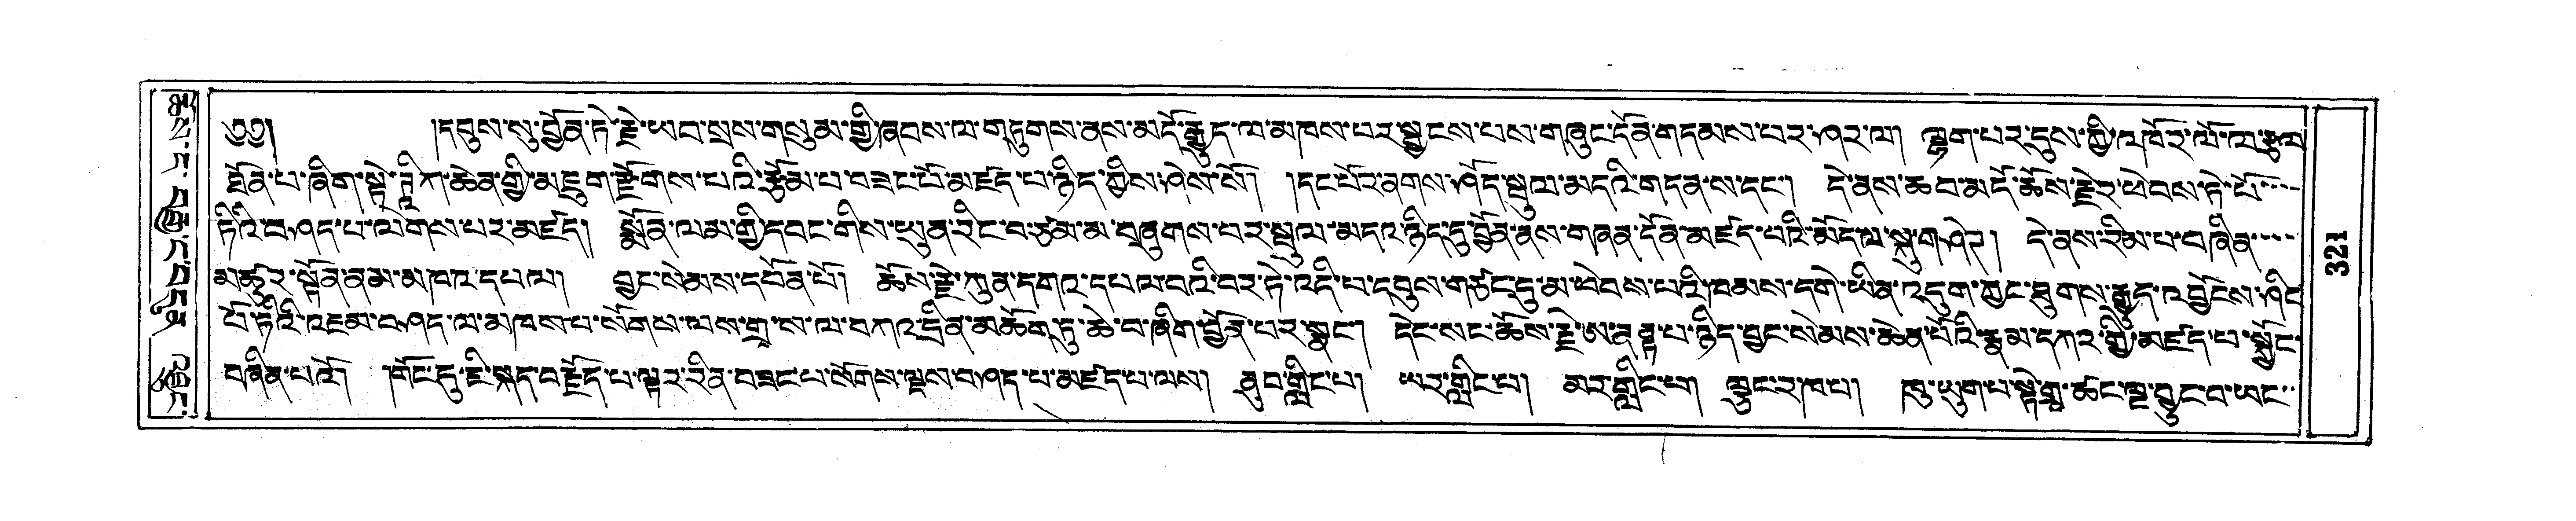༄༅། །དབུས་སུ་བྱོན་ཏེ་རྗེ་ཡབ་སྲས་གསུམ་གྱི་ཞབས་ལ་གཏུགས་ནས་མདོ་རྒྱུད་ལ་མཁས་པར་སྦྱངས་པས་གཞུང་དོན་གདམས་པར་ཤར་ལ། ལྷག་པར་དུས་ཀྱི་འཁོར་ལོ་ལ་རྩལ་
ཐོན་པ་ཞིག་སྟེ་ཊཱི་ཀ་ཆེན་གྱི་མཇུག་རྫོགས་པའི་རྩོམ་པ་བཟང་པོ་མཛད་པ་ཉིད་ཀྱིས་ཤེས་སོ། །དང་པོར་ནགས་ཤོད་སྦུལ་མདའི་གདན་ས་དང་། དེ་ནས་ཆབ་མདོ་ཆོས་རྗེར་ཕེབས་ཏེ་པོ་
ཏིའི་བཤད་པ་ལེགས་པར་མཛད། སྨོན་ལམ་གྱི་དབང་གིས་ཡུན་རིང་བ་ཙམ་མ་བཞུགས་པར་སྤུལ་མདའ་ཉིད་དུ་བྱོན་ནས་གཞན་དོན་མཛད་པའི་མདོ་ལ་སྐུ་གཤེཌ། དེ་ནས་རིམ་པ་བཞིན་
མཚུར་སྟོན་ནམ་མཁའ་དཔལ། བྱང་སེམས་དཔོན་པོ། ཆོས་རྗེ་ཀུན་དགའ་དཔལ་བའི་བར་ཏེ་འདི་བ་དབུས་གཙང་དུ་མ་ཕེབས་པའི་ཁམས་དགེ་ཡིན་འདུག་ཀྱང་ཐུགས་རྒྱུད་འབྱོངས་ཤིང་
པོ་ཏིའི་འཇམ་བཤད་ལ་མཁས་པ་སོགས་ལས་གྲྭ་ས་ལ་བཀའ་དྲིན་མཆོག་ཏུ་ཆེ་བ་ཞིག་བྱོན་པར་སྣང་། དེང་སང་ཆོས་རྗེ་ཨ་ནྣྟ་པ་ཉིད་བྱང་སེམས་ཆེན་པོའི་རྣམ་དཀའ་གྱི་མཛད་པ་སྐྱོང་
བཞིན་པའོ། །གོང་དུ་ཇི་སྐད་བརྗོད་པ་ལྟར་རིན་བཟང་པ་སོགས་ལྡས་བཤད་པ་མཛད་པ་ལས། ནུབ་གླིང་བ། ཡར་གླིང་པ། མར་གླིང་པ། ལྕུང་ར་ཁ་པ། ཁུ་ཡུག་པ་སྟེ་གྲྭ་ཚང་ལྔ་བྱུང་བ་ཡང་